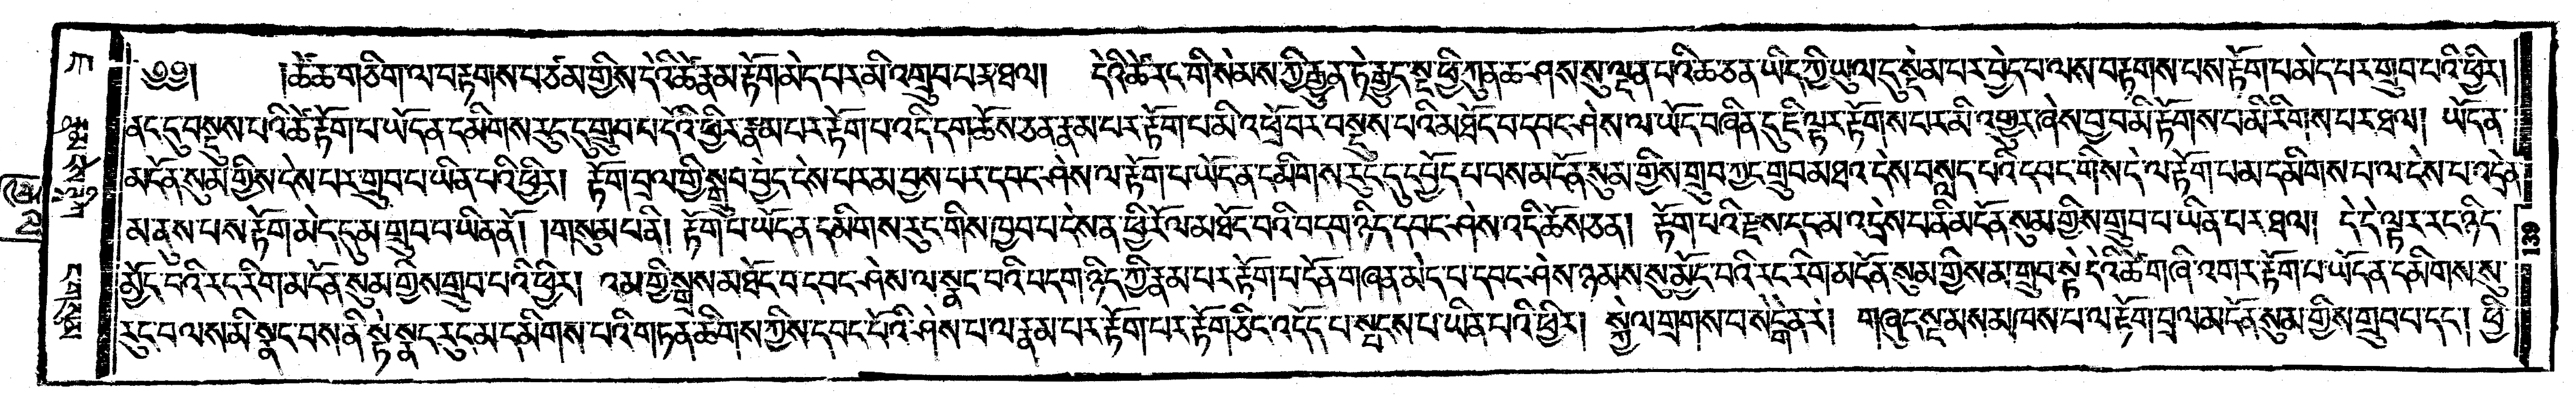༄༅། །ཚེ་ཆ་གཅིག་ལ་བརྟགས་པ་ཙམ་གྱིས་དེའི་ཚེ་རྣམ་རྟོག་མེད་པར་མི་འགྲུབ་པར་ཐལ། དེའི་ཚེ་རང་གི་སེམས་ཀྱི་རྒྱུན་ཏེ་རྒྱུད་སྔ་ཕྱི་ཀུན་ཆ་ཤས་སུ་ལྡན་པའི་ཆ་ཅན་ཡིད་ཀྱི་ཡུལ་དུ་སྡེམ་?་པར་བྱེད་པ་ལས་བརྟགས་པས་རྟོག་པ་མེད་པར་གྲུབ་པའི་ཕྱིར།
ནང་དུ་བསྡུས་པའི་ཚེ་རྟོག་པ་ཡོད་ན་དམིགས་རུང་དུ་གྲུབ་པ་དེའི་ཕྱིར་རྣམ་པར་རྟོག་པ་འདི་དག་ཆོས་ཅན་རྣམ་པར་རྟོག་པ་མི་འཕྲོ་བར་བསྡུས་པའི་མཐོང་བ་དབང་ཤེས་ལ་ཡོད་བཞིན་དུ་ཇི་ལྟར་རྟོགས་པར་མི་འགྱུར་ཞེས་བྱ་བ་མི་རྟོགས་པ་མི་རིགས་པར་ཐལ། ཡོད་ན་
མངོན་སུམ་གྱིས་ངེས་པར་གྲུབ་པ་ཡིན་པའི་ཕྱིར། རྟོག་བྲལ་གྱི་སྒྲུབ་བྱེད་ངེས་པར་མ་བྱས་པར་དབང་ཤེས་ལ་རྟོག་པ་ཡོད་ན་དམིགས་རུང་དུ་དཔྱོད་པ་བས་མངོན་སུམ་གྱིས་གྲུབ་ཀྱང་གྲུབ་མཐའ་དེས་བསླད་པའི་དབང་གིས་དེ་ལ་རྟོག་པ་མ་དམིགས་པ་ལ་ངེས་པ་འདྲེན་
མ་ནུས་པས་རྟོག་མེད་དུ་མ་གྲུབ་པ་ཡིན་ནོ། །གསུམ་པ་ནི། རྟོག་པ་ཡོད་ན་དམིགས་རུང་གིས་ཁྱབ་པ་དེས་ན་ཕྱི་རོལ་མཐོང་བའི་བདག་ཉིད་དབང་ཤེས་འདི་ཆོས་ཅན། རྟོག་པའི་རྫས་དང་མ་འདྲེས་པ་ནི་མངོན་སུམ་གྱིས་གྲུབ་པ་ཡིན་པར་ཐལ། དེ་དེ་ལྟར་རང་ཉིད་
མྱོང་བའི་རང་རིག་མངོན་སུམ་གྱིས་གྲུབ་པའི་ཕྱིར། འམ་གྱི་སྒྲས་མཐོང་བ་དབང་ཤེས་ལ་སྣང་བའི་བདག་ཉིད་ཀྱི་རྣམ་པར་རྟོག་པ་དོན་གཞན་མེད་པ་དབང་ཤེས་ཉམས་སུ་མྱོང་བའི་རང་རིག་མངོན་སུམ་གྱིས་མ་གྲུབ་སྟེ་དེའི་ཚེ་གཞི་འགར་རྟོག་པ་ཡོད་ན་དམིགས་སུ་
རུང་བ་ལས་མི་སྣང་བས་ནི་སྟེ་སྣང་རུང་མ་དམིགས་པའི་གཏན་ཚིགས་ཀྱིས་དབང་པོའི་ཤེས་པ་ལ་རྣམ་པར་རྟོག་པར་རྟོག་ཅིང་འདོད་པ་སྤངས་པ་ཡིན་པའི་ཕྱིར། སྐྱེལ་གྲགས་པ་སེངྒེ་ན་རེ། གཞུང་སྔ་མས་མཁས་པ་ལ་རྟོག་བྲལ་མངོན་སུམ་གྱིས་གྲུབ་པ་དང་། ཕྱི་